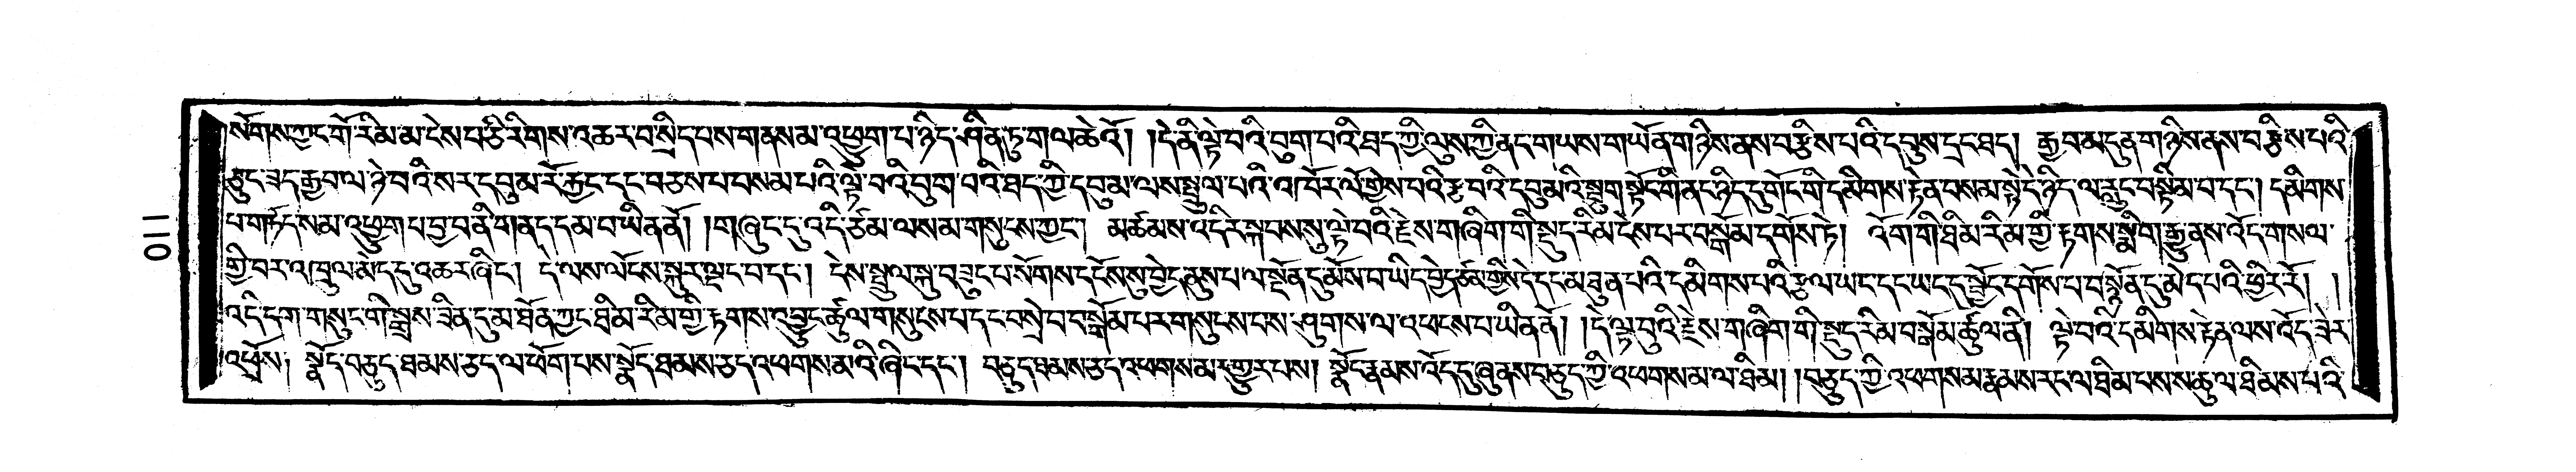སོགས་ཀྱང་གོ་རིམ་མ་ངེས་པ་ཅི་རིགས་འཆར་བ་སྲིད་པས་གནས་མ་འཕྱུགས་པ་ཉིད་ཤིན་ཏུ་གལ་ཆེའོ། །དེ་ནི་ལྟེ་བའི་བུག་པའི་ཐད་ཀྱི་ལུས་ཀྱི་ནང་གཡས་གཡོན་གཉིས་ནས་བརྩིས་པའི་དབུས་དྲང་ཐད། རྒྱབ་མདུན་གཉིས་ནས་བརྩིས་པའི་
ཅུང་ཟད་རྒྱབ་ལ་ཉེ་བའི་སར་དབུ་མ་རོ་རྐྱང་དང་བཅས་པ་བསམས་པའི་ལྟེ་བའི་བུག་པའི་ཐད་ཀྱི་དབུ་མ་ལས་སྤྲུལ་པའི་འཁོར་ལོ་གྱེས་པའི་རྩ་བའི་དབུ་མའི་སྦུག་སྟོང་གི་ནང་ཉིད་དུ་གོང་གི་དམིགས་རྟེན་བསམ་སྟེ་དེ་ཉིད་ལ་རླུང་བསྟིམ་པ་དང་། དམིགས་
པ་གཏོད་ས་མ་འཕྱུག་པ་བྱ་བ་ནི་གནད་དམ་པ་ཡིན་ནོ། །གཞུང་དུ་འདི་ཙམ་ལས་མ་གསུངས་ཀྱང་། མཚམས་འདིར་སྐབས་སུ་ལྟེ་བའི་རྗེས་གཞིག་གི་སྡུད་རིམ་ངེས་པར་བསྒོམ་དགོས་ཏེ། འོག་གི་ཐིམ་རིམ་གྱི་རྟགས་སྨིག་རྒྱུ་ནས་འོད་གསལ་
གྱི་བར་འཁྲུལ་མེད་དུ་འཆར་ཞིང་། དེ་ལས་ལོངས་སྐུར་ལྡང་བ་དང་། དེས་སྤྲུལ་སྐུ་བཟུང་བ་སོགས་དངོས་སུ་བྱེད་ནུས་པ་ལ་སྔོན་དུ་མོས་པ་ཡིད་བྱེད་ཙམ་གྱིས་དེ་དང་མཐུན་པའི་དམིགས་པའི་རྩལ་ཡང་དང་ཡང་དུ་སྦྱོང་དགོས་པ་བསྙོན་དུ་མེད་པའི་ཕྱིར་རོ། །
འདི་དག་གསུང་གི་སྒྲས་ཟིན་དུ་མ་ཐོན་ཀྱང་ཐིམ་རིམ་གྱི་རྟགས་འབྱུང་ཚུལ་གསུངས་པ་དང་བསྲེ་བ་བསྒོམ་པར་གསུངས་པས་ཤུགས་ལ་འཕངས་པ་ཡིན་ནོ། །དེ་ལྟ་བུའི་རྗེས་གཞིག་གི་སྡུད་རིམ་བསྒོམ་ཚུལ་ནི། ལྟེ་བའི་དམིགས་རྟེན་ལས་འོད་ཟེར་
འཕྲོས༑ སྣོད་བཅུད་ཐམས་ཅད་ལ་ཕོག་པས་སྣོད་ཐམས་ཅད་འཕགས་མའི་ཞིང་དང་། བཅུད་ཐམས་ཅད་འཕགས་མར་གྱུར་པས། སྣོད་རྣམས་འོད་དུ་ཞུ་ནས་བཅུད་ཀྱི་འཕགས་མ་ལ་ཐིམ། བཅུད་ཀྱི་འཕགས་མ་རྣམས་རང་ལ་ཐིམས་པས་ས་ཆུ་ལ་ཐིམས་པའི་